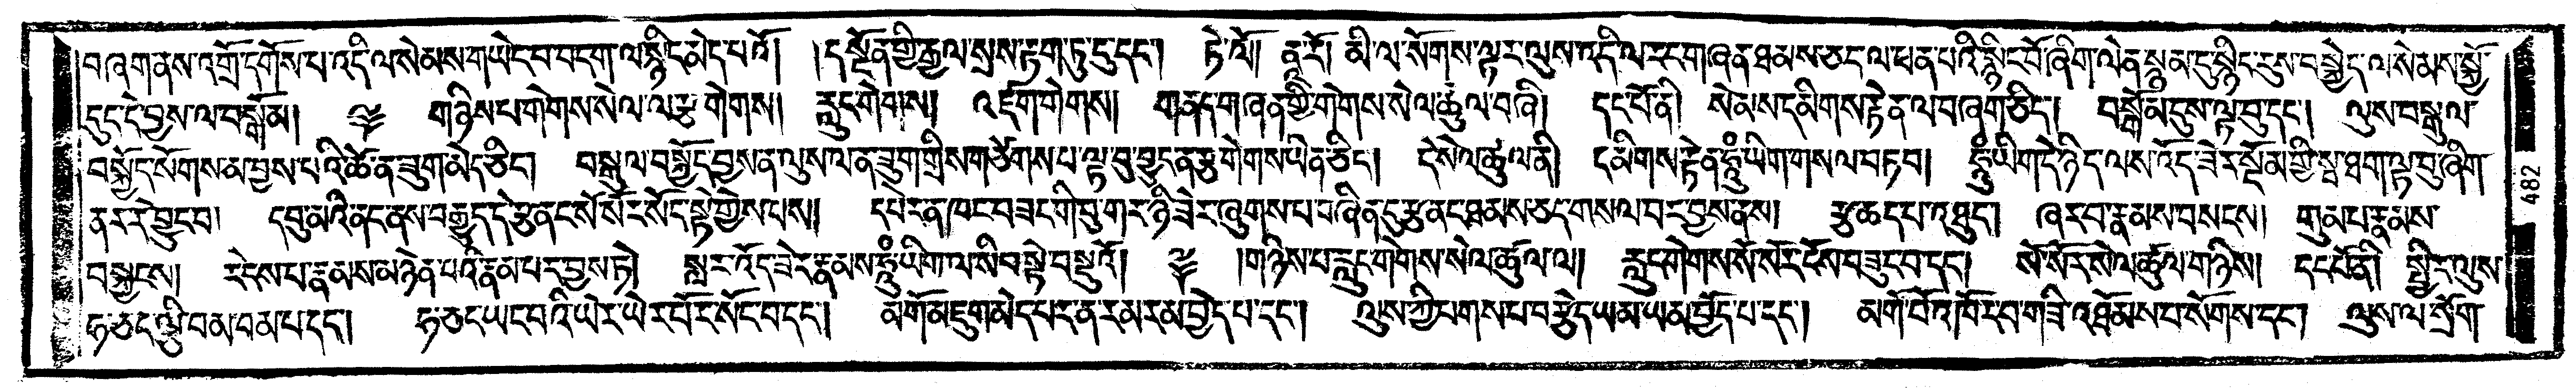བཞག་ནས་འགྲོ་དགོས་པ་འདི་ལ་སེམས་གཡེང་བ་བདག་ལ་སྙིང་མེད་པའོ། །ད་སྔོན་གྱི་རྒྱལ་སྲས་རྟག་ཏུ་ངུ་དང་། ཏེ་ལོ། ནཱ་རོ། མི་ལ་སོགས་ལྟར་ལུས་འདི་ལ་རང་གཞན་ཐམས་ཅད་ལ་ཕན་པའི་སྙིང་པོ་ཞིག་ལེན་སྙམ་དུ་སྙིང་རུས་བསྐྱེད་ལ་སེམས་སྐྱོ་
དུང་དེ་བྱས་ལ་བསྒོམ། ༈ གཉིས་པ་གེགས་སེལ་ལ་རྩ་གེགས། རླུང་གེགས། འཛག་གེགས། གནད་གཞན་གྱི་གེགས་སེལ་ཚུལ་བཞི། དང་པོ་ནི། སེམས་དམིགས་རྟེན་ལ་བཞག་ཅིང་། བསྒོམ་དུས་ལྟ་བུ་དང་། ལུས་བསྒུལ་
བསྐྱོད་སོགས་མ་བྱས་པའི་ཚེ་ན་ཟུག་མེད་ཅིང་། བསྒུལ་བསྐྱོད་བྱས་ན་ལུས་ལན་ཟུག་གྲིས་གཙེགས་པ་ལྟ་བུ་བྱུང་ན་རྩ་གེགས་ཡིན་ཅིང་། དེ་སེལ་ཚུལ་ནི། དམིགས་རྟེན་ཧཱུཾ་ཡིག་གསལ་བཏབ། ཧཱུཾ་ཡིག་དེ་ཉིད་ལས་འོད་ཟེར་སྡོམ་གྱི་སྦ་ཐག་ལྟ་བུ་ཞིག་
ནར་རེ་བྱུང་བ། དབུ་མའི་ནང་ནས་བརྒྱུད་དེ་རྩ་ནང་སོ་སོར་སོང་སྟེ་གྱེས་པས། དཔེར་ན་ཁང་བཟང་གི་བུ་གར་ཉི་ཟེར་ཞུགས་པ་བཞིན་དུ་རྩ་ནང་ཐམས་ཅད་གསལ་བར་བྱས་ནས། རྩ་ཆད་པ་འཐུང་། ཞར་བ་རྣམས་བསངས། གུམ་པ་རྣམས་
བསྐྱངས། རེངས་པ་རྣམས་མཉེན་པའི་རྣམ་པར་བྱས་ཏེ། སླར་འོད་ཟེར་རྣམས་ཧཱུཾ་ཡིག་ལ་སིབ་སྟེ་བསྡུའོ། ༈ །གཉིས་པ་རླུང་གེགས་སེལ་ཚུལ་ལ། རླུང་གེགས་སོ་སོར་ངོས་བཟུང་བ་དང་། སོ་སོར་སེལ་ཚུལ་གཉིས། དང་པོ་ནི། སྤྱིར་ལུས་
ཧ་ཅང་ལྕི་བམ་བམ་པ་དང་། ཧ་ཅང་ཡང་བའི་ཡེར་ཡེར་བོར་སོང་བ་དང་། མགོ་མཇུག་མེད་པར་ན་རམ་རམ་བྱེད་པ་དང་། ལུས་ཀྱི་པགས་པ་བརྩེད་ཡམ་ཡམ་བྱོད་པ་དང་། མགོ་བོ་འཁོར་བ་གཟི་འཐོམས་བ་སོགས་དང་། ལུས་ལ་སྲོག་